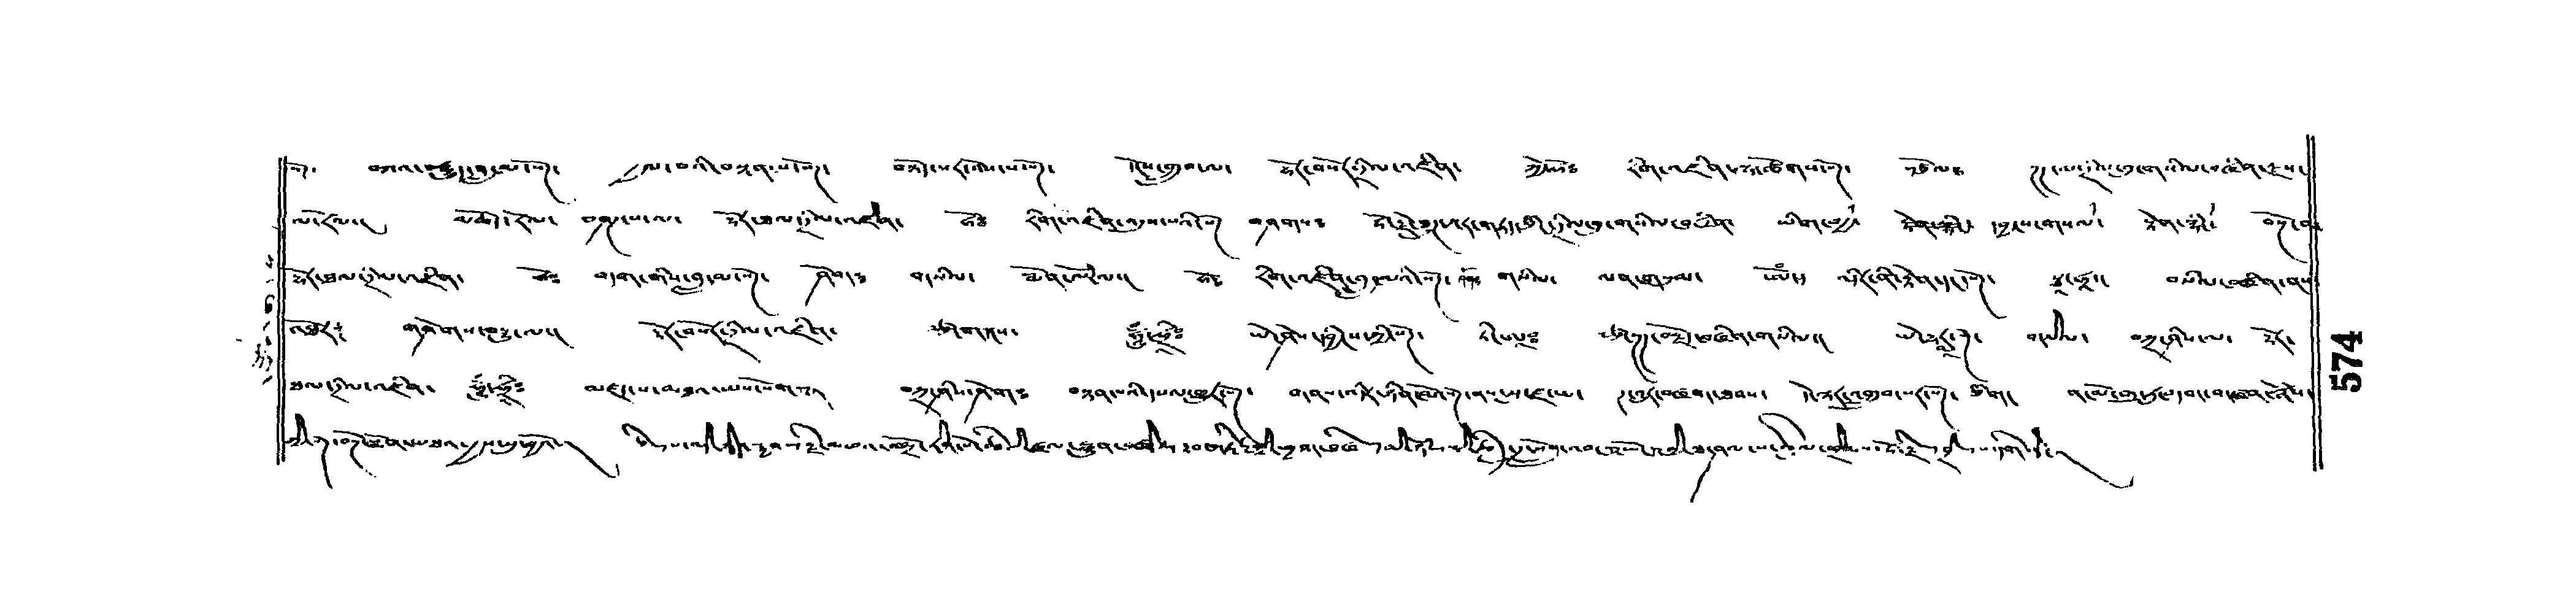སོགས། བཀའ་བརྒྱུད་བླ་མ་སོགས། རྒྱལ་བའི་བསྟན་པ་སོགས། བསྟོད་པར་འོས་པ་སོགས། དངོས་གྲུབ་ལ། རྡོར་བསོར་དྲིལ་འཛིན། ཀྱེ་ཧོཿ རིག་འཛིན་ལྷ་ཚོགས་སོགས། སྩོལཿ སྔགས་ལ་དྲིལ་བུ་གསིལ་བཞིན་རྫས་
ལ་རོལ། མཆོད་རོལ། བཤགས་པ་ལ། རྡོར་ཐལ་དྲིལ་འཛིན། ཧོཿ རིག་འཛིན་འདུས་པའི་སོགས། བཤགསཿ རྡོ་རྗེ་ཐུགས་ཀར་གཏད་ཅིང་དྲིལ་བུ་གསིལ་བཞིན། ཡིག་བརྒྱ། དབྱངས་གསལ། རྟེན་སྙིང་། བསྔོ་བ་
རྡོར་ཐལ་དྲིལ་འཛིན། ཧོཿ བདག་གིས་བླ་མ་སོགས། ཤོགཿ གསིལ། སྨོན་ལམ་ལ། ཧོཿ རིག་འཛིན་བླ་མའི་སོགས། གསིལ། ལན་གསུམ། ཨོཾ། འདིར་ནི་རྟེན་དང་སོགས། སྭཱ་ཧཱཿ བསིལ་བཞིན་ནས་
འཐོར། གཤེགས་བསྡུ་ལ། རྡོར་བསོར་དྲིལ་འཛིན། ཧཱུྃ་ཧྲཱིཿ ཡེ་ཤེས་དབྱིངས་ཀྱི་སོགས། ཏི་ཨཱཿ རྩ་སྔགས་བརྗོད་བཞིན་གསིལ། ཡེ་དྷརྨཱ་སོགས། གསིལ། བཀྲ་ཤིས་ལ། རྡོར་
ཐལ་དྲིལ་འཛིན། ཧཱུྃ་ཧྲཱིཿ མཛད་པ་མཐའ་ཡས་སོགས། བཀྲ་ཤིས་ཤོགཿ བསྟན་པའི་དཔལ་གྱུར་སོགས། གནས་འདིར་ཉིན་མོ་སོགས་ནས་སུ་ཛ་ཡ། ཌཱ་འུར་བཞག་ཐབས། དེ་ལྟར་འགྲུབ་པར་སོགས། ཅིག ན་མོ་གུ་རུཿབདག་གཞན་རྣམས་
ཀྱི་སོགས་བསྔོ་སྨོན་མཐའ་རྒྱས་སུ་བྱའོ། ཞེས་པ་འདི་ཉིད་སྐྱབས་རྗེ་མཁའ་འགྲོ་རིན་པོ་ཆེའི་ཞལ་རྒྱུན་བཞིན་ཟབ་གཏེར་གྱི་ཕྱག་བཞེས་མི་ཉམས་པའི་ཆེད་དུ་སློབ་འབངས་ཡོངས་ཀྱི་ཐ་ཤལ་པ་ཚུལ་ཁྲིམས་རྡོ་རྗེས་བྲིས་པ་དགེའོ།།